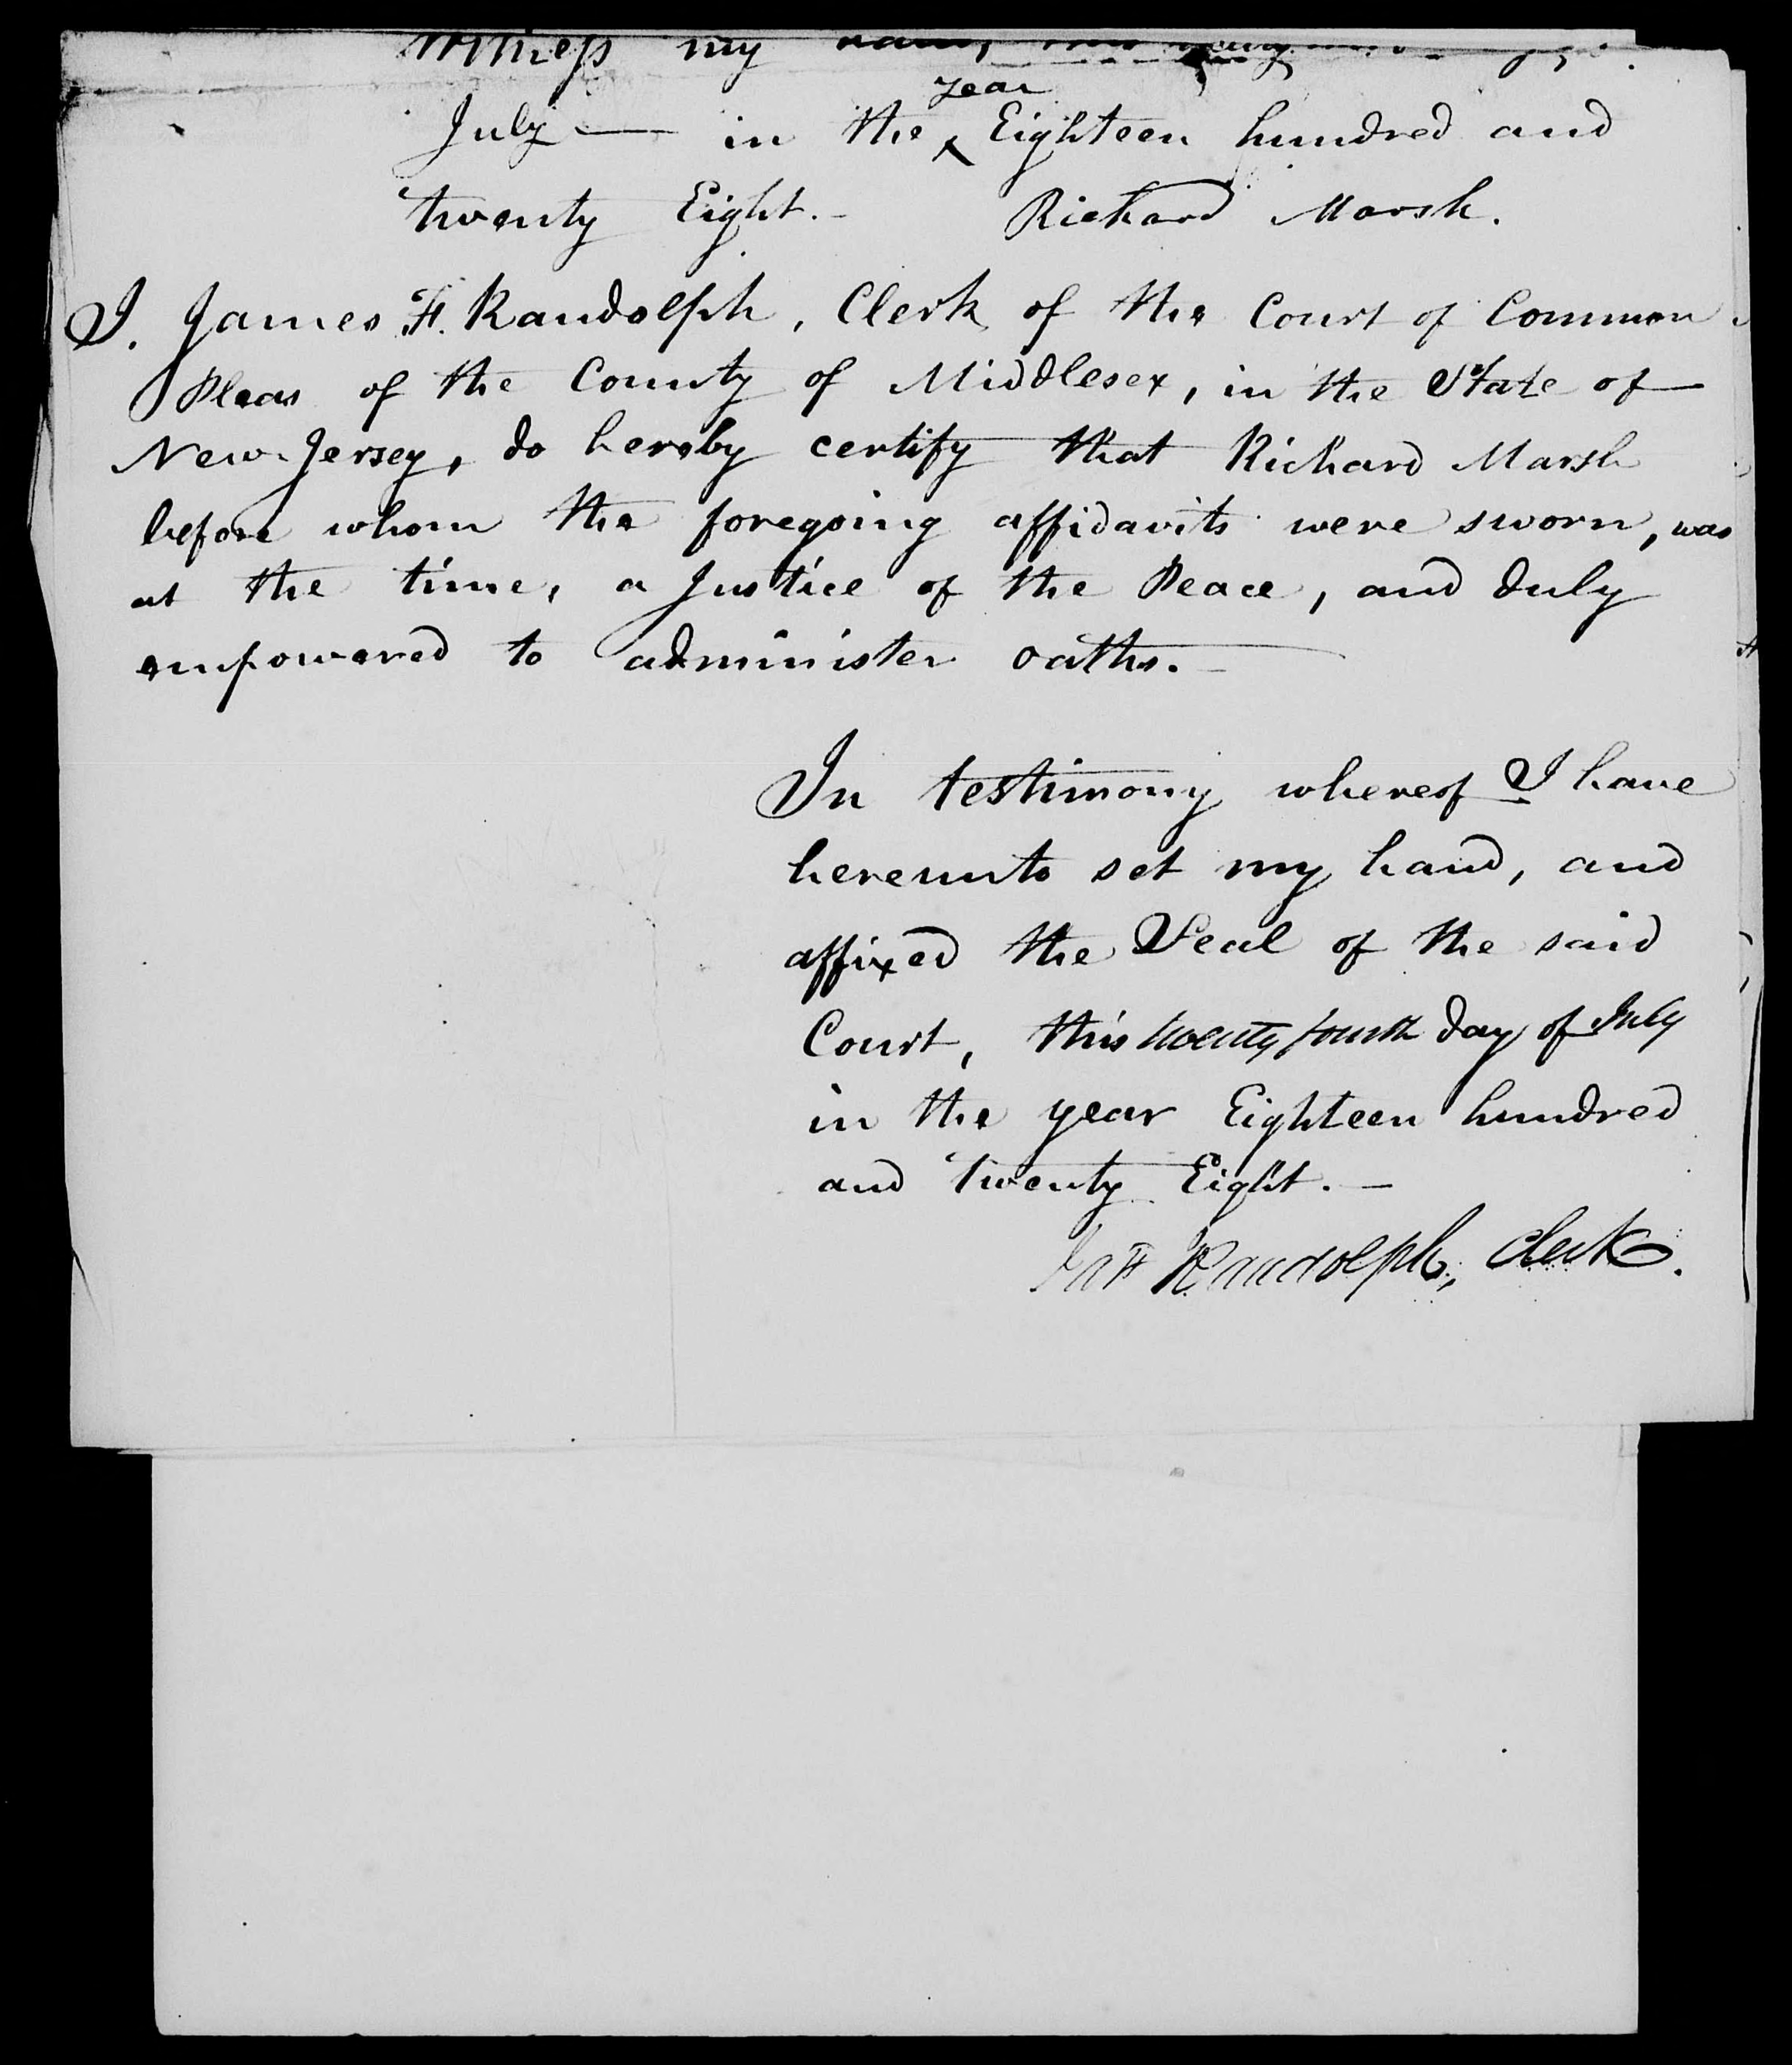I, James H. Randolph, Clerk of the Court of Common Pleas of the County of Middlesex, in the State of New Jersey, do hereby certify that Richard Marsh before whom the foregoing affidavits were sworn, was, at the time, a Justice of the Peace, and duly empowered to administer oaths.

In testimony whereof I have hereunto set my hand, and affixed the Seal of the said Court, this twenty fourth day of July in the year eighteen hundred and twenty eight. 

J. H. Randolph, Clerk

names: Richard Marsh, Richard Marsh, James F Randolph, Ja F Randolph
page: 21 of 62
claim: survivor's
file: S. 540, James Heard, Continental - New Jersey Residence In 1818